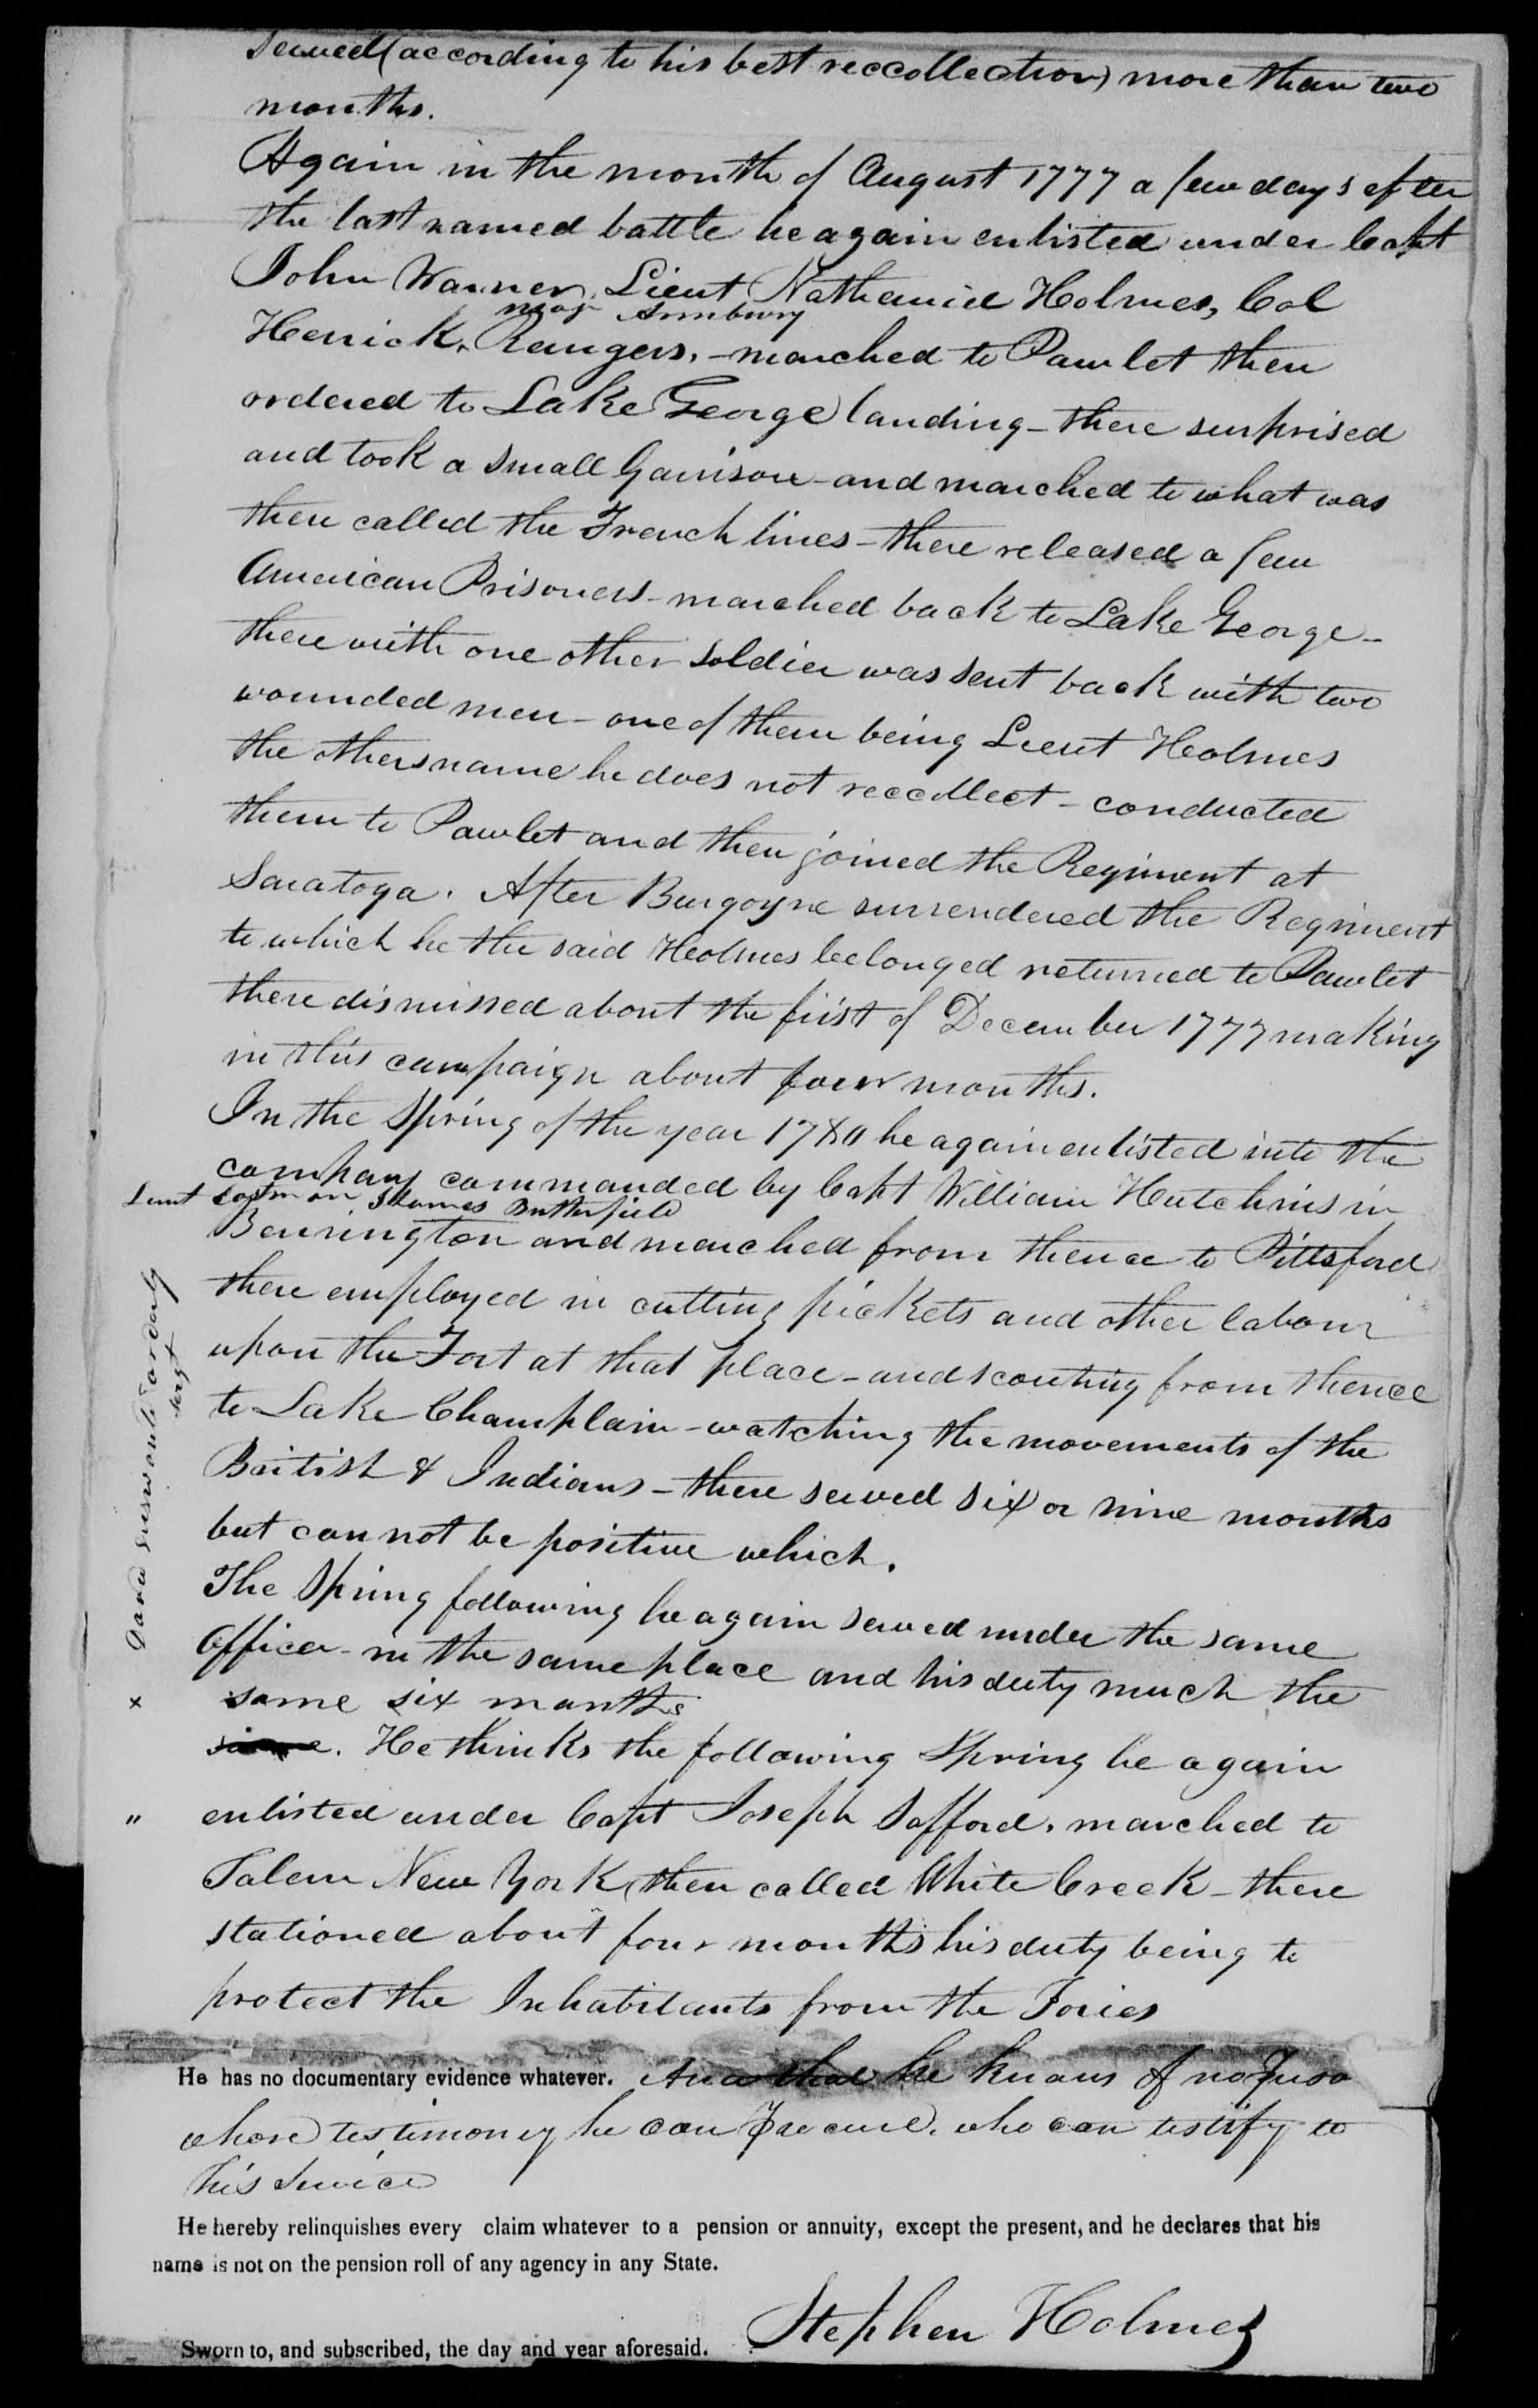served (according to his best reccollection) more than two months.

Again in the month of August 1777 a few days after the last named battle he again enlisted under John Warner Lieut Nathaniel Holmes, Col Herrick ^Maj Armbury Rangers, marched to Pawlet then ordered to Lake George landing - there surprised and took a small Garrison and marched to what was there called the French lines - there released a few American Prisoners - marched back to Lake George - there with one other soldier was sent back with two wounded men - one of them being Lieut Holmes the other man he does not reccolect - conducted them to Pawlet and then joined the Regiment at Saratoga. After Burgoyne surrendered the Regiment to which he the said Holmes belonged returned to Pawlet there dismissed about the first of December 1777 making in this campaign about four months.

In the Spring of the year 1780 he again enlisted into the company commanded by Capt William Hutchins in Lieut Eastman Thomas Butterfield Bennington and marched from thence to Pittsford - there employed in cutting pickets and other labour upon the Fort at that place - and scouting from thence to Lake Champlain - watching the movements of the British & Indians - there served six or nine months but can not be positive which.

The Spring following he again served under the same Officer in the same place and his duty much the same six months.

Dana [illegible]

He thinks the following Spring he again enlisted under Capt Joseph Safford, marched to Salem New York, then called White Creek - there stationed about four months his duty being to protect the inhabitants from the Tories.

He has no documentary evidence whatever. [illegible] he knows of no person whose testimony he can produce, who can testify to this service.

He hereby relinquishes every claim whatever to a pension or annuity, except the present, and he declares that his name is not on the pension roll of any agency in any State.

Sworn to, and subscribed, the day and year aforesaid, Stephen Holmes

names: William Hutchins, Holmes, Stephen Holmes, David Griswould, Herrick, Nathaniel Holmes, Holmes, Amsbury, Joseph Safford, Eastman Thomas Butterfield, John Warner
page: 41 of 72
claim: widow's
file: W. 7771, Stephen Holmes, Vt.